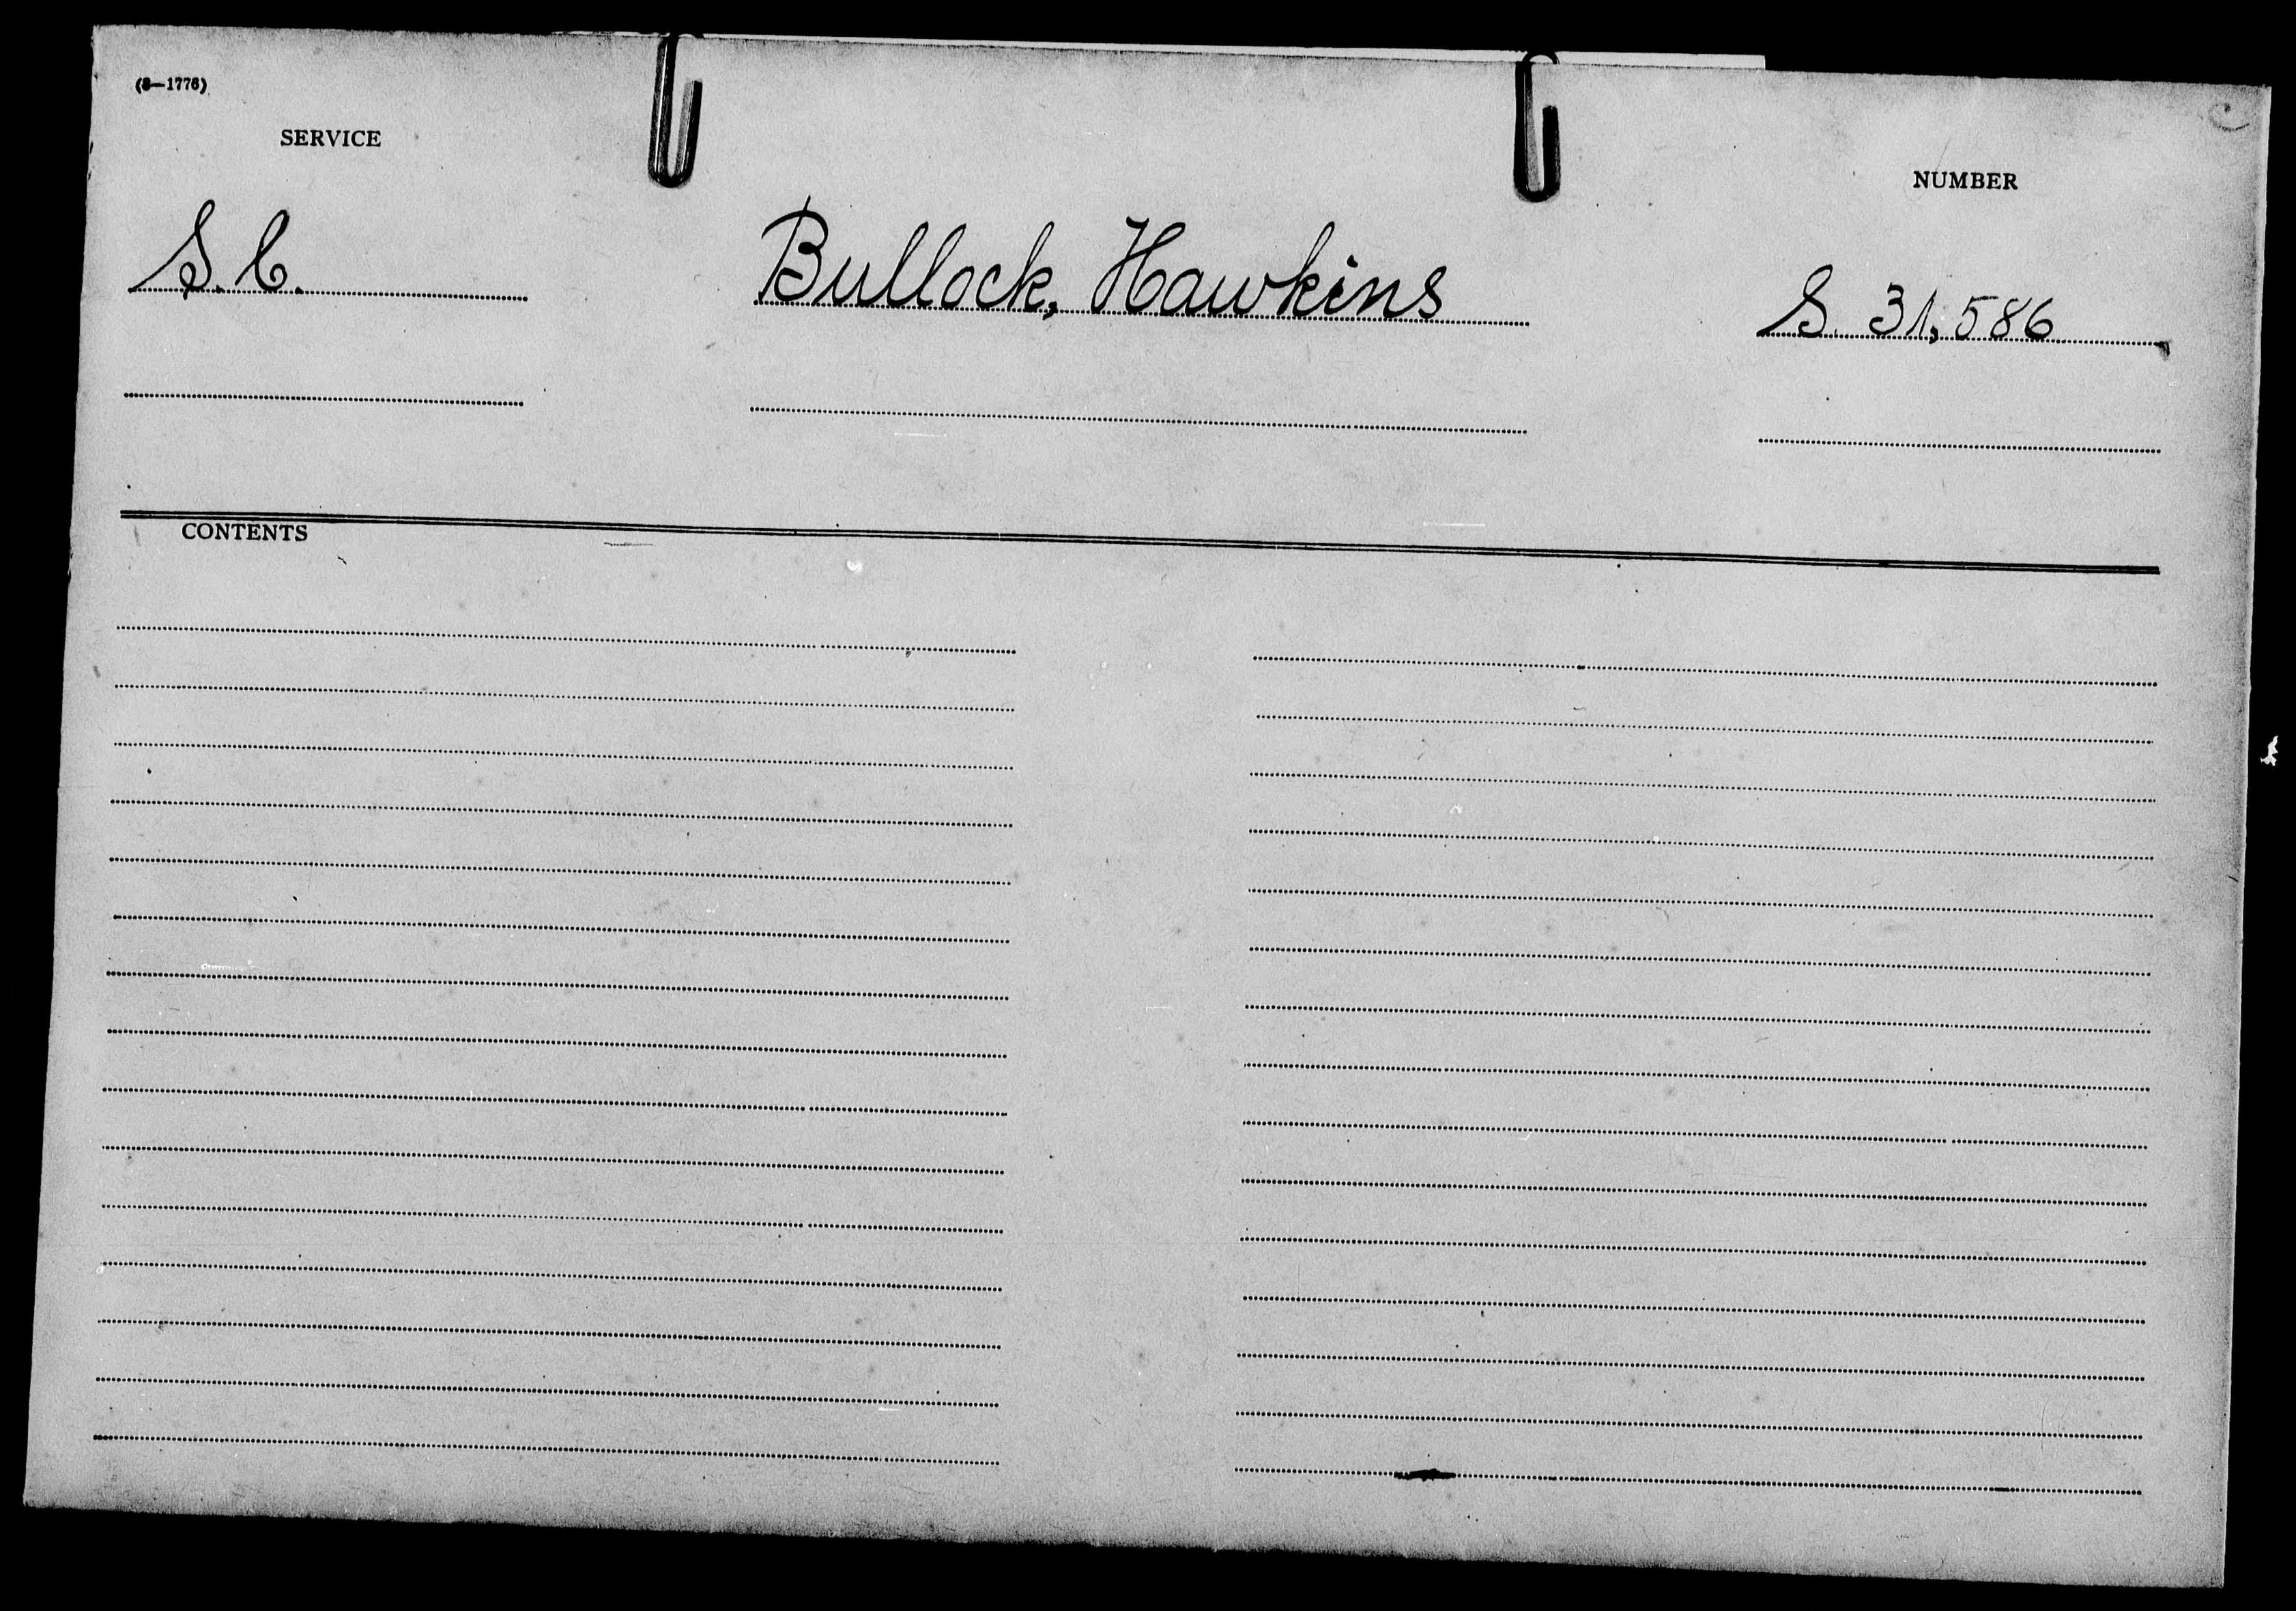(3-1776)
SERVICE
S.C.
Bullock, Hawkins
NUMBER
S. 31,586
CONTENTS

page: 1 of 24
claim: survivor's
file: S. 31,586, Hawkins Bullock, S.C.